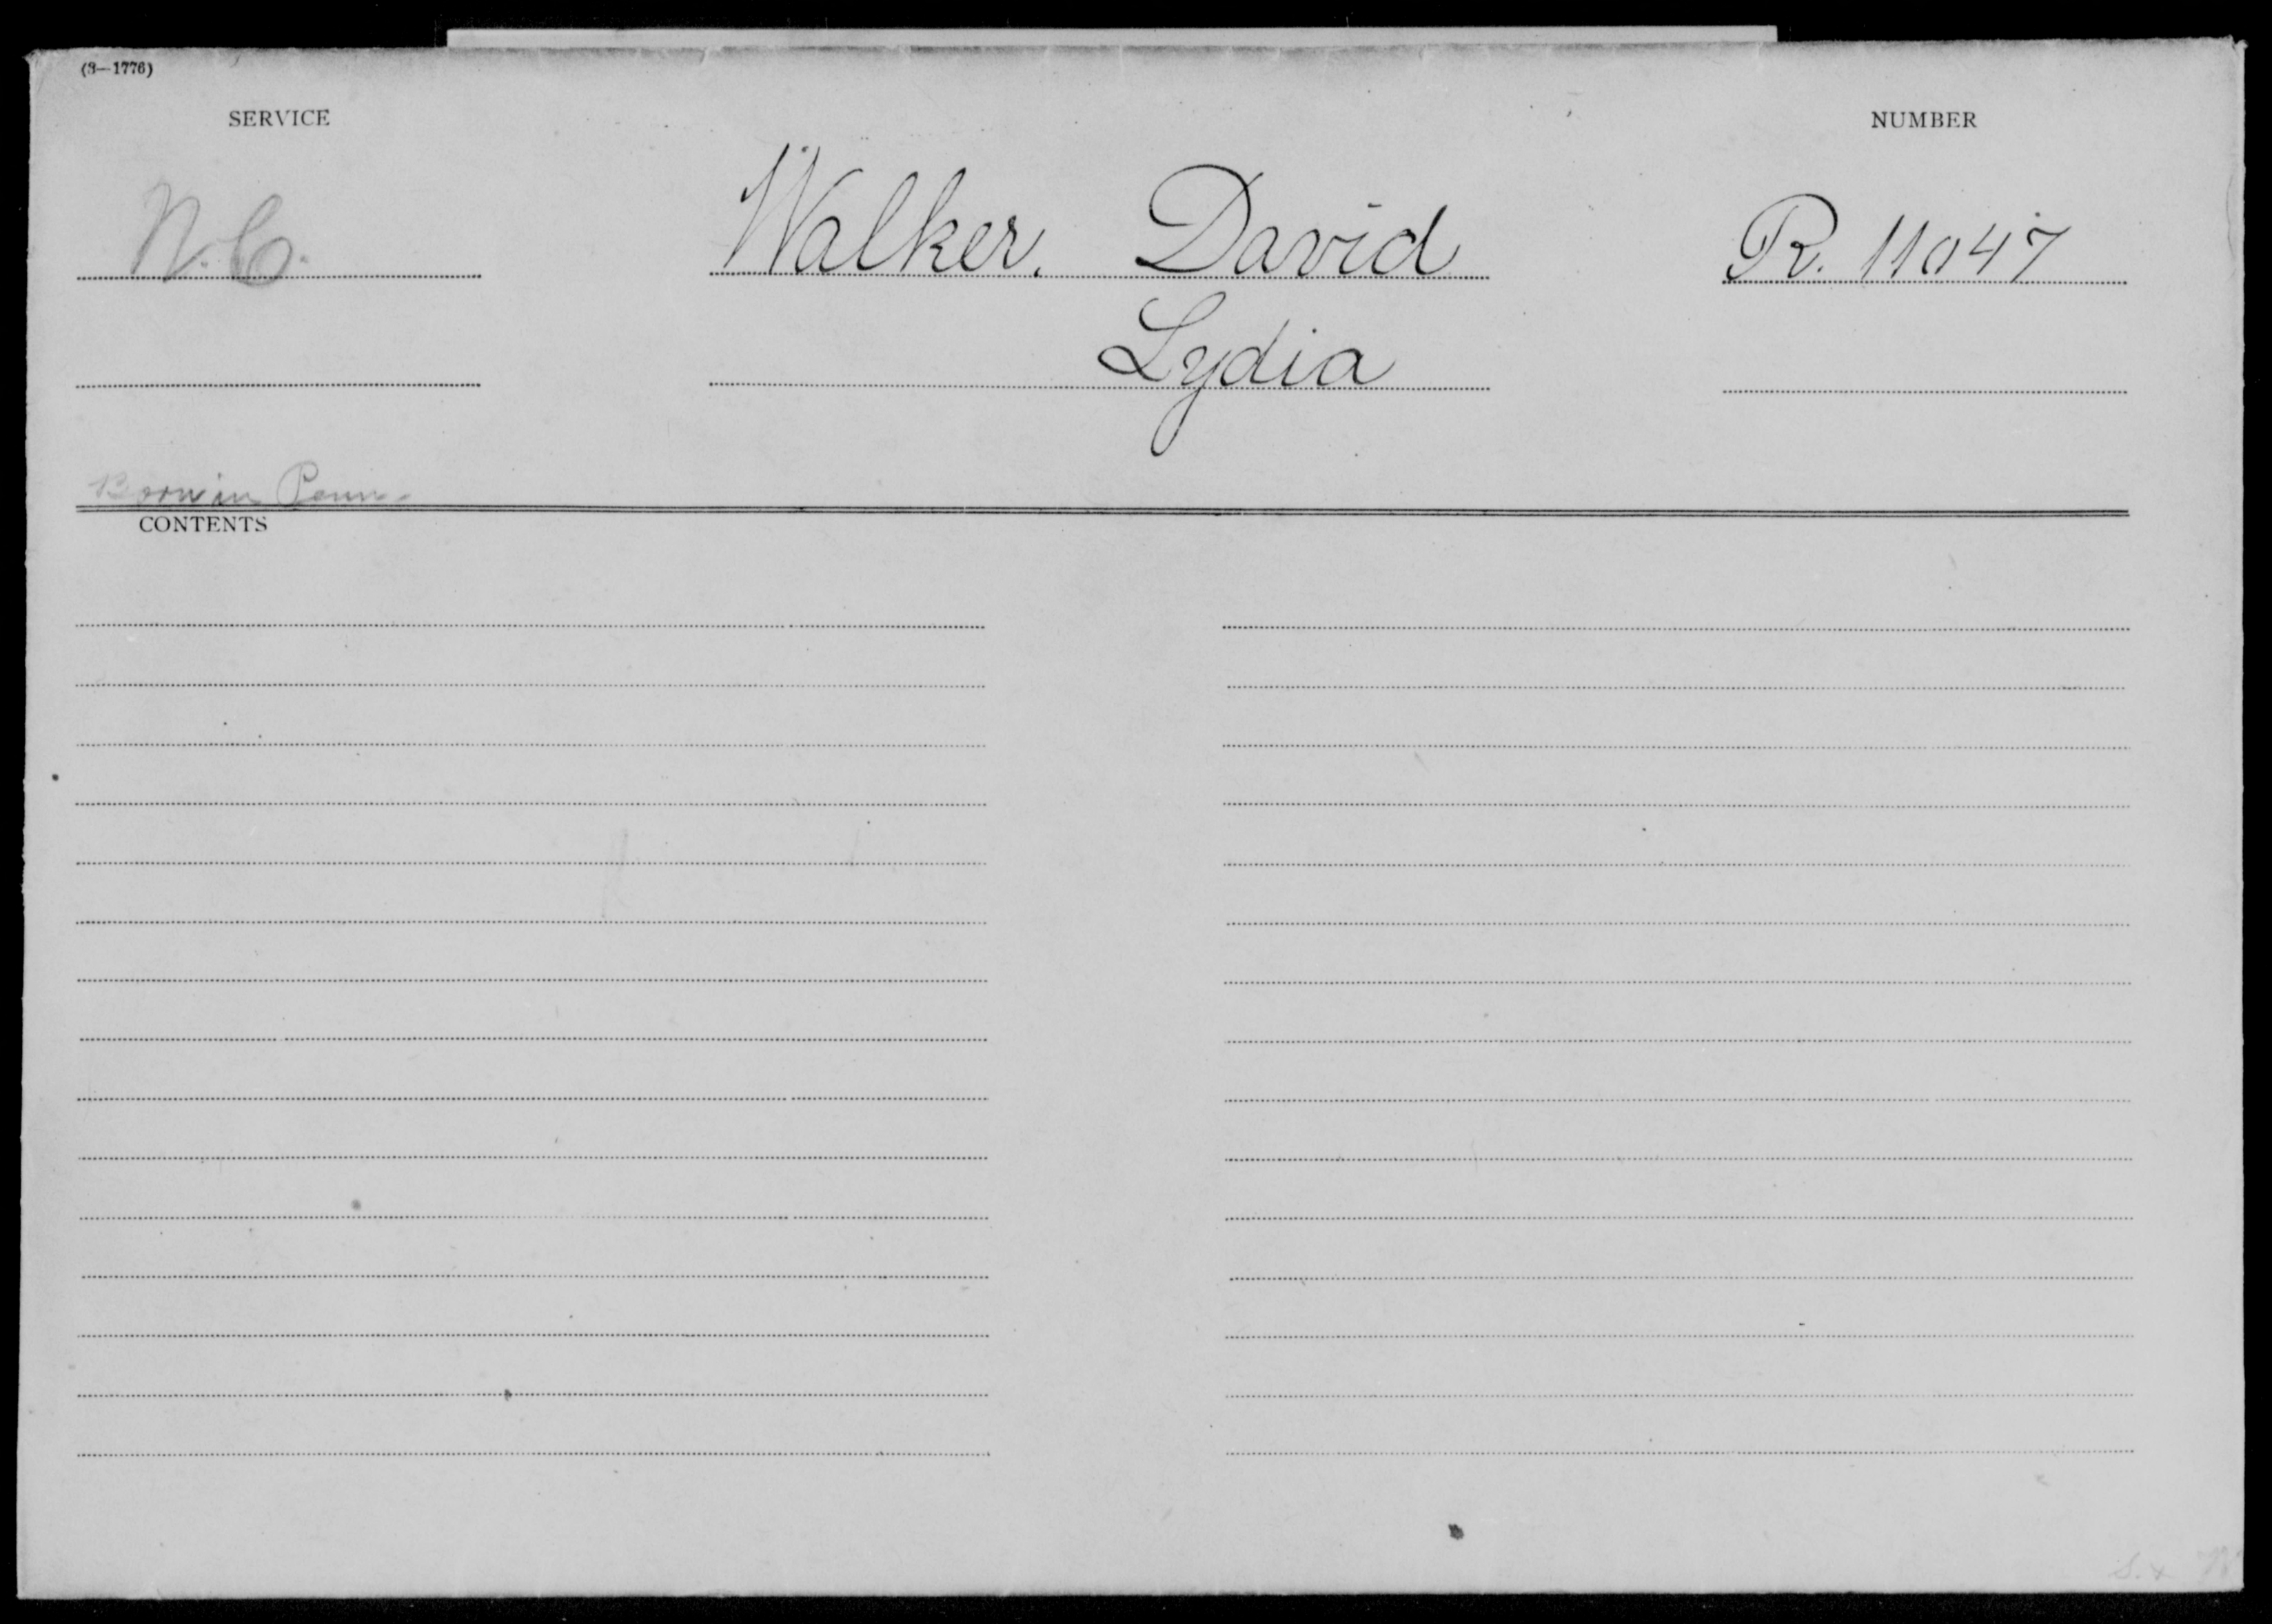(3 - 1776)
SERVICE
N.C.
Walker, David
Lydia
NUMBER
R. 11047
CONTENTS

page: 1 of 37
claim: rejected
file: R. 11047, David Walker, N.C.